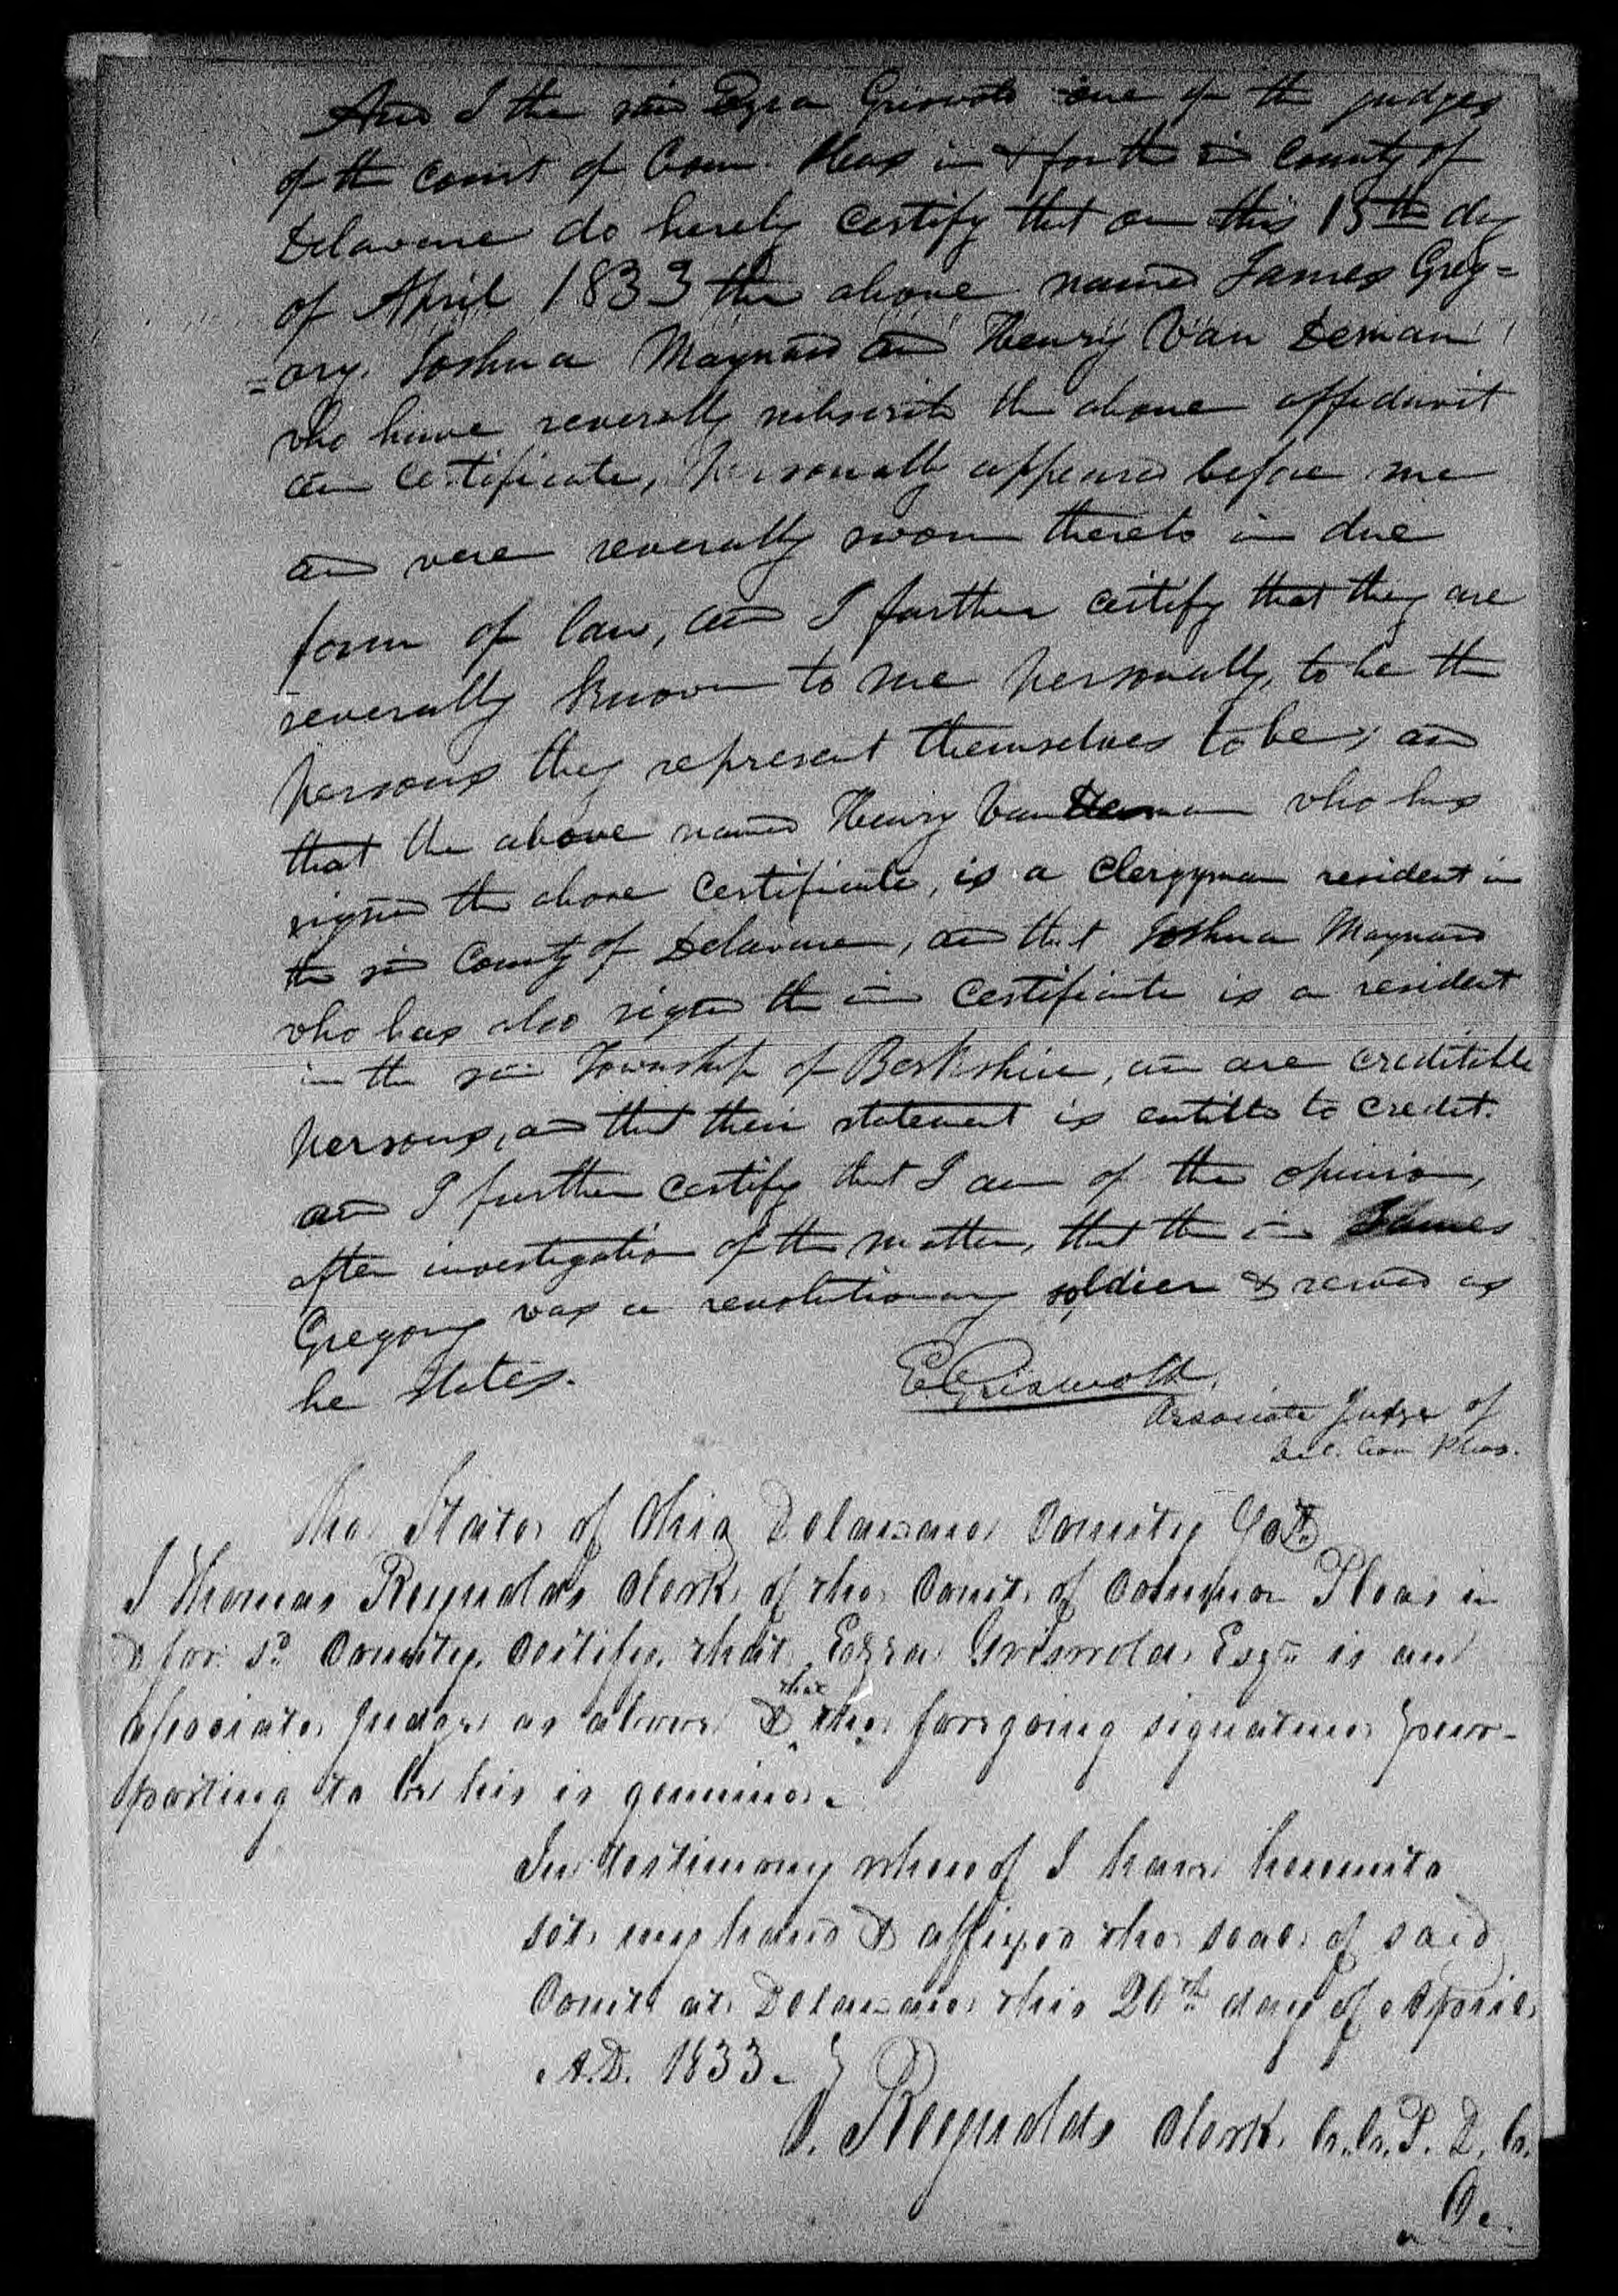And I the said Ezra Griswold one of the judges of the Court of Com. Pleas in & for the said county of Delaware do hereby certify that on this 15th day of April 1833 the above named James Gregory, Joshua Maynard, and Henry Van Demon who have severally subscribed the above affidavit and certificate, personally appeared before me and were severally sworn thereto in due form of law, and I further certify that they are severally known to me personally to be the persons they represent themselves to be; and that the above names Henry Van Deman who has signed the above certificate, is a clergyman resident in the said county of Delaware, and that Joshua Maynard who has also signed the said certificate is a resident in the said Township of Berkshire, and are credible persons, and that their statement is entitled to credit, and I further certify that I am of the opinion, after investigation of the matter, that the said James Gregory was a revolutionary soldier & served as he states.

E Griswold associate Judge of Del Com Pleas

The States of Ohio Delaware County [unk]

I Thomas Reynolds clerk of the Court of Common Pleas in & for sd county, certify that Ezra Griswold Esq is an associate judge as above sd, the foregoing signature purporting to be his is genuine.

In testimony whereof I have hereunto set my hand & affixed the seal of said Court at Delaware, this 20th day of April AD 1833.

T Reynolds clerk CCPLC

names: James Gregory, Joshua Maynard, James Gregory, Henry Van Deman, Henry Van Deman, E Griswold, Ezra Griswold, Joshua Maynard, T Reynolds, Thomas Reynolds, Ezra Gregory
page: 9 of 27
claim: survivor's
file: S. 17445, James Gregory, Conn.